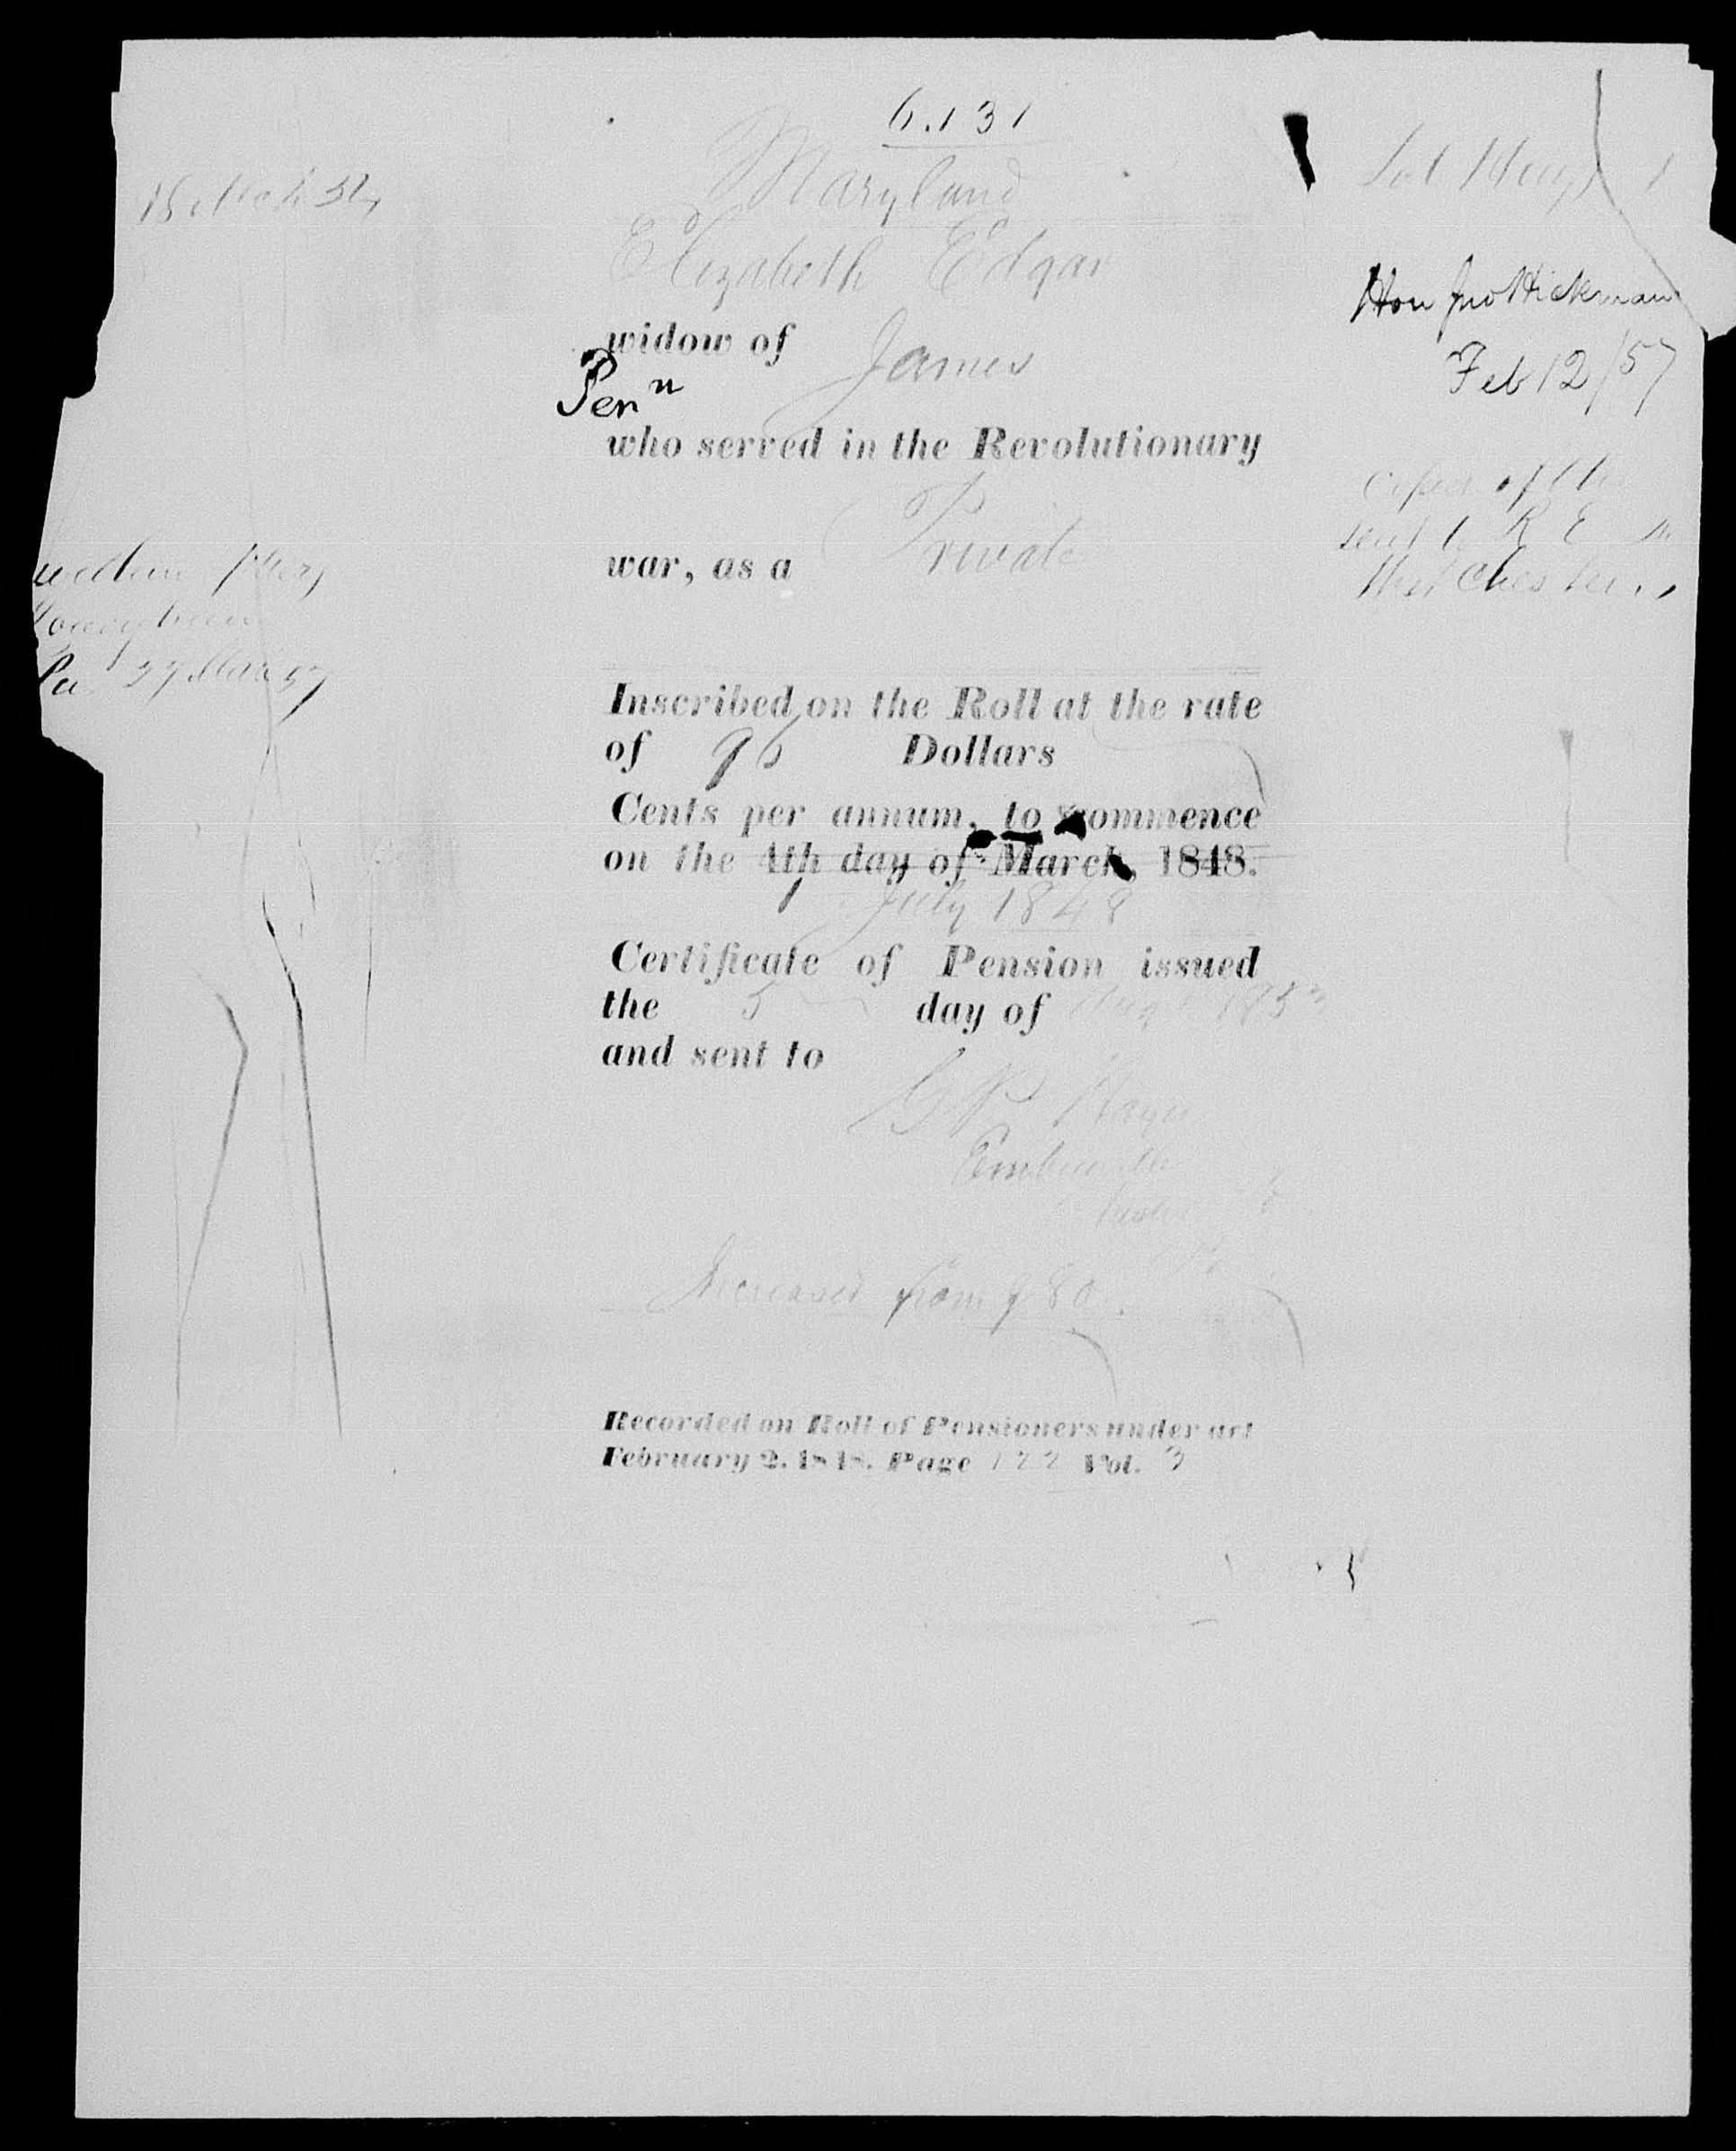(illegible)
Pa 27 Mar 57


6. 131
-
Maryland
Elizabeth Edgar
widow of James
Penn
who served in the Revolutionary 
war, as a Private
Inscribed on the Roll at the rate
of 96 Dollars
Cents per annum, to commence
on the 4th day of March 1848.

1July 1849
Certificate of Pension issued
the 5th day of Ag 1833
and sent to G P Hayes 
Embreeville 
(illegible)

decreased from $80
Recorded on Roll of Pensioners under act  February 2. 1848 Page 122 Vol 3

Lot 11

Hon Jno Hickman
Feb 12/57
Copy of this
sent to
R E (illegible)
Westchester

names: Job Hayes, G P Hayes, James Edgar, Elizabeth Edgar, Jno Hickman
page: 41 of 74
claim: widow's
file: W. 9422, James Edgar, Penn.